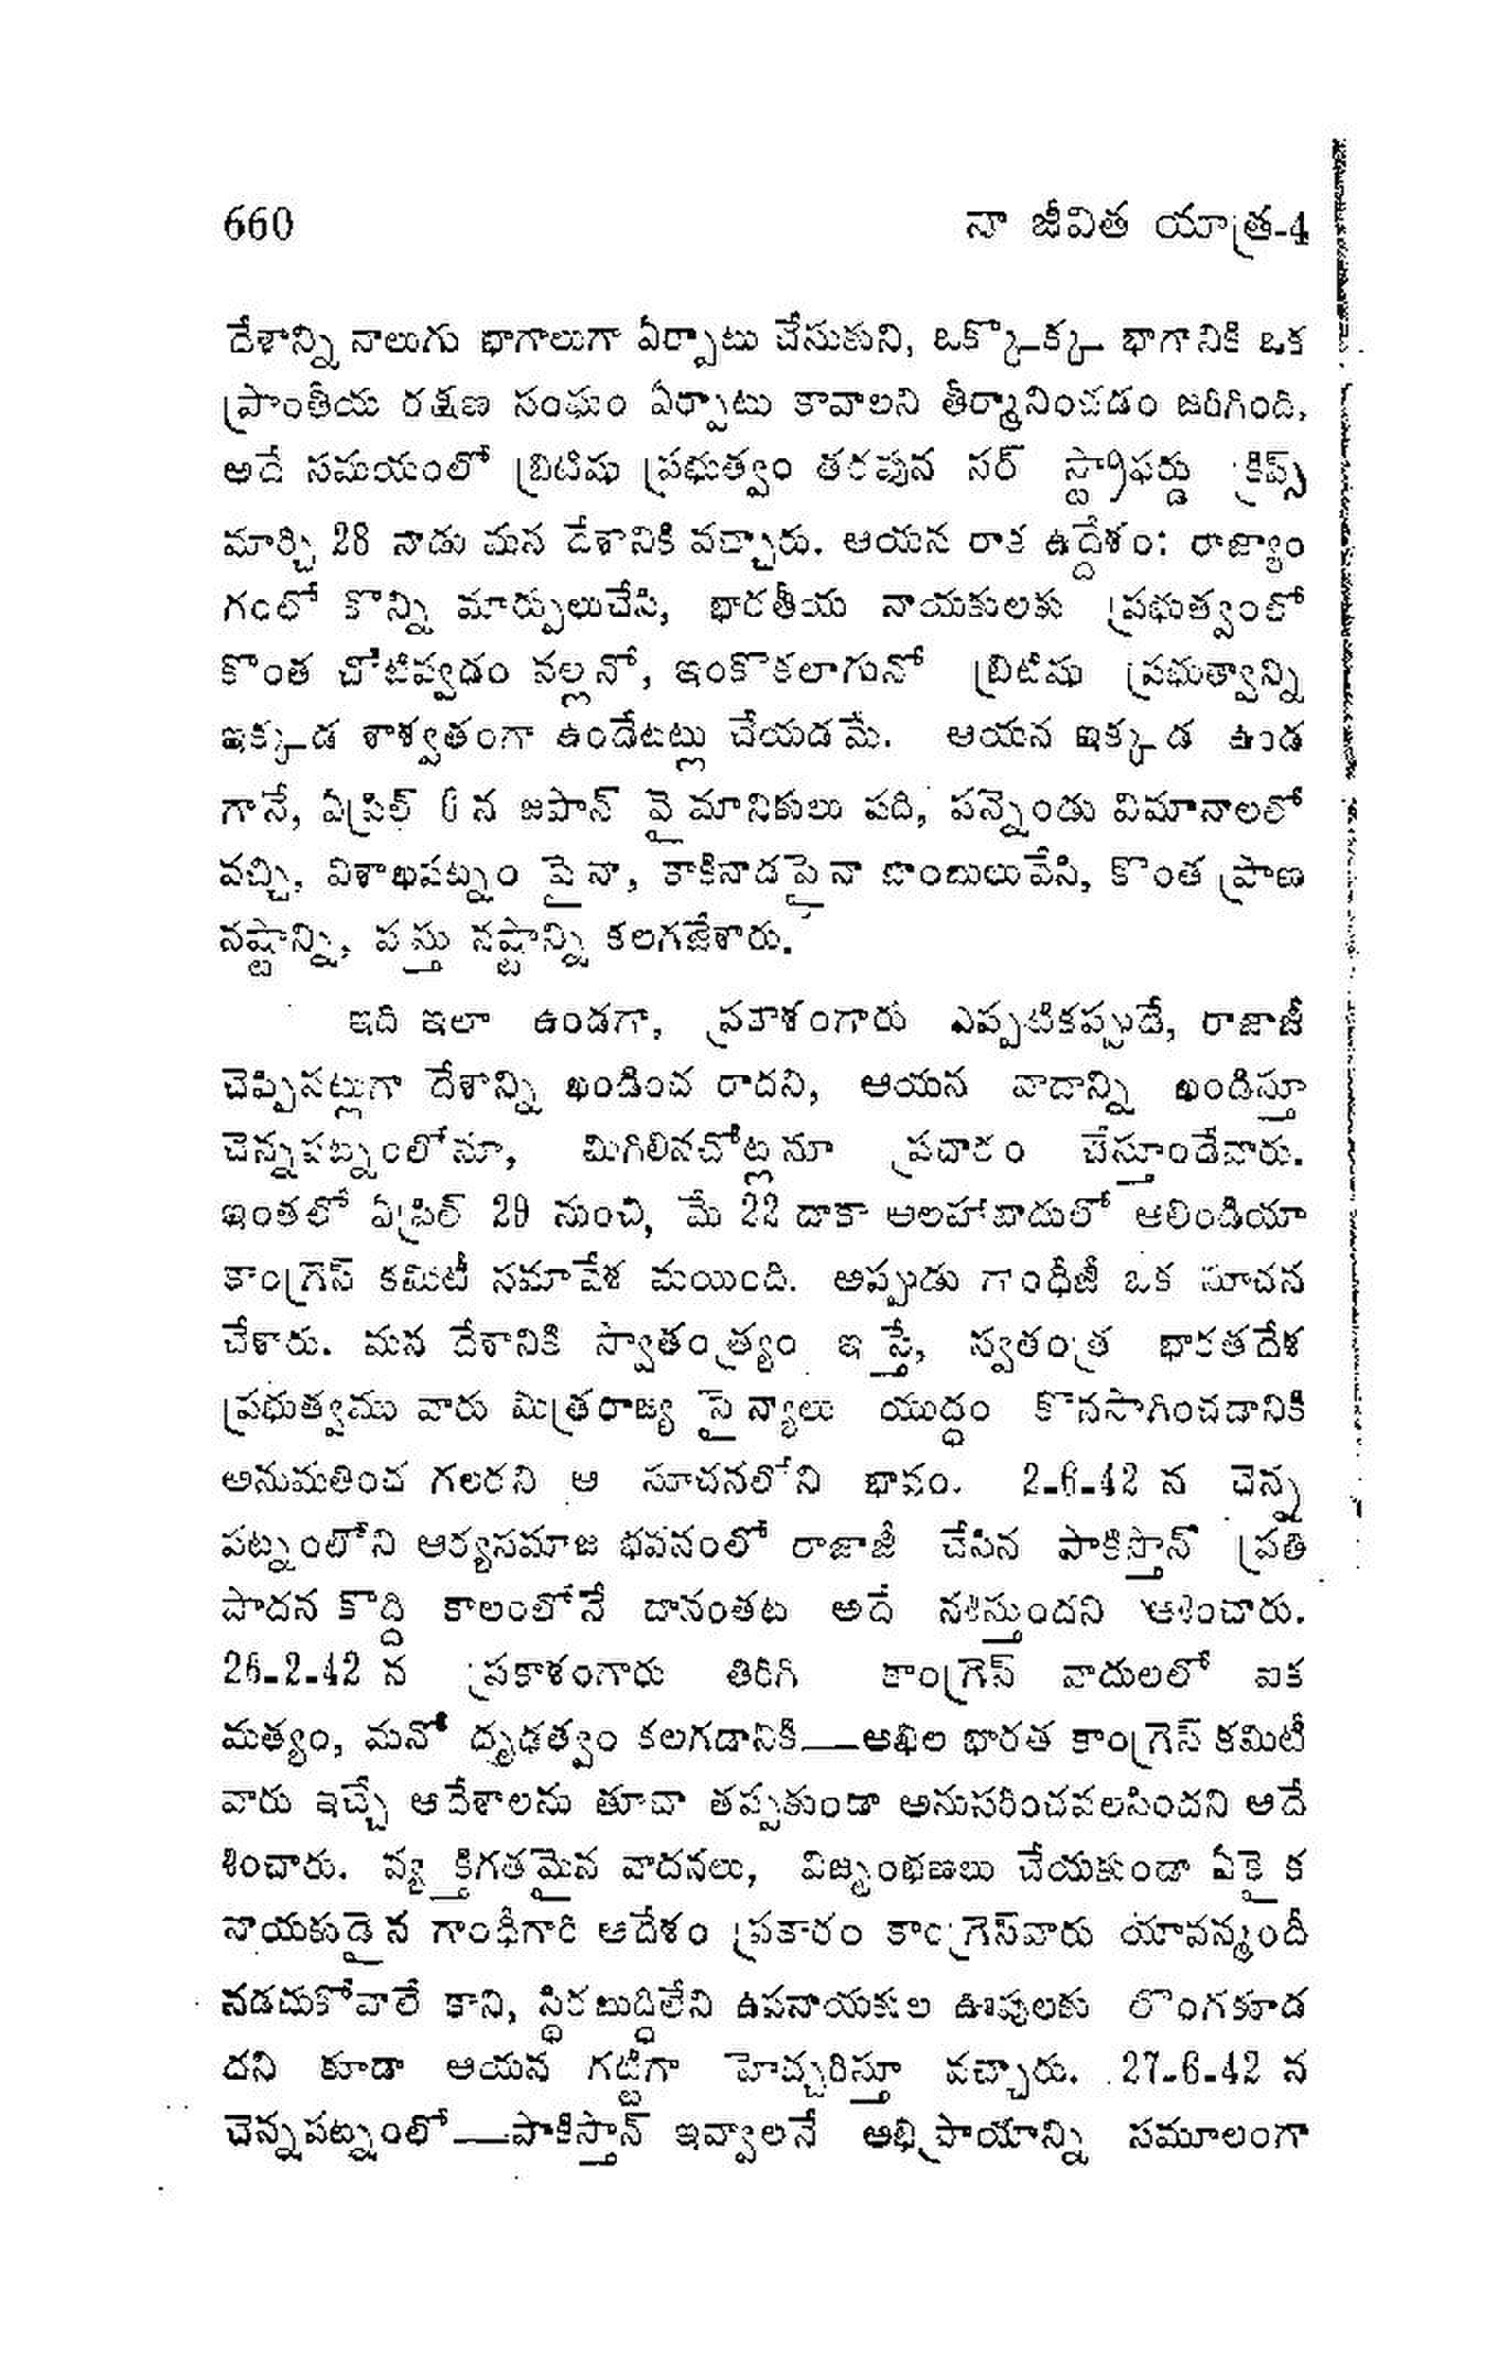దేశాన్ని నాలుగు భాగాలుగా ఏర్పాటు చేసుకుని, ఒక్కొక్క భాగానికి ఒక ప్రాంతీయ రక్షణ సంఘం ఏర్పాటు కావాలని తీర్మానించడం జరిగింది. అదే సమయంలో బ్రిటిషు ప్రభుత్వం తరపున సర్ స్ట్రాఫర్డు క్రిప్స్ మార్చి 28 నాడు మన దేశానికి వచ్చారు. ఆయన రాక ఉద్దేశం: రాజ్యాంగంలో కొన్ని మార్పులుచేసి, భారతీయ నాయకులకు ప్రభుత్వంలో కొంత చోటివ్వడం వల్లనో, ఇంకొకలాగునో బ్రిటిషు ప్రభుత్వాన్ని ఇక్కడ శాశ్వతంగా ఉండేటట్లు చేయడమే. ఆయన ఇక్కడ ఉండగానే, ఏప్రిల్ 6 న జపాన్ వైమానికులు పది, పన్నెండు విమానాలలో వచ్చి, విశాఖపట్నం పైనా, కాకినాడపైనా బాంబులువేసి, కొంత ప్రాణనష్టాన్ని, వస్తు నష్టాన్ని కలగజేశారు.

ఇది ఇలా ఉండగా, ప్రకాశంగారు ఎప్పటికప్పుడే, రాజాజీ చెప్పినట్లుగా దేశాన్ని ఖండించ రాదని, ఆయన వాదాన్ని ఖండిస్తూ చెన్నపట్నంలోనూ, మిగిలినచోట్లనూ ప్రచారం చేస్తూండే వారు. ఇంతలో ఏప్రిల్ 29 నుంచి, మే 22 దాకా అలహాబాదులో ఆలిండియా కాంగ్రెస్ కమిటీ సమావేశ మయింది. అప్పుడు గాంధీజీ ఒక సూచన చేశారు. మన దేశానికి స్వాతంత్ర్యం ఇస్తే. స్వతంత్ర భారతదేశ ప్రభుత్వము వారు మిత్రరాజ్య సైన్యాలు యుద్ధం కొనసాగించడానికి అనుమతించ గలరని ఆ సూచనలోని భావం. 2-6-42 న చెన్నపట్నంలోని ఆర్యసమాజ భవనంలో రాజాజీ చేసిన పాకిస్తాన్ ప్రతిపాదన కొద్ది కాలంలోనే దానంతట అదే నశిస్తుందని ఆశించారు. 26-2-42 న ప్రకాశంగారు తిరిగి కాంగ్రెస్ వాదులలో ఐకమత్యం, మనో దృఢత్వం కలగడానికి - అఖిల భారత కాంగ్రెస్ కమిటీవారు ఇచ్చే ఆదేశాలను తూచా తప్పకుండా అనుసరించ వలసిందని ఆదేశించారు. వ్యక్తిగతమైన వాదనలు, విజృంభణలు చేయకుండా ఏకైక నాయకుడైన గాంధీగారి ఆదేశం ప్రకారం కాంగ్రెస్‌వారు యావన్మందీ నడచుకోవాలే కాని, స్థిర బుద్ధిలేని ఉపనాయకుల ఊపులకు లొంగకూడదని కూడా ఆయన గట్టిగా హెచ్చరిస్తూ వచ్చారు. 27-6-42 న చెన్నపట్నంలో - పాకిస్తాన్ ఇవ్వాలనే అభిప్రాయాన్ని సమూలంగా